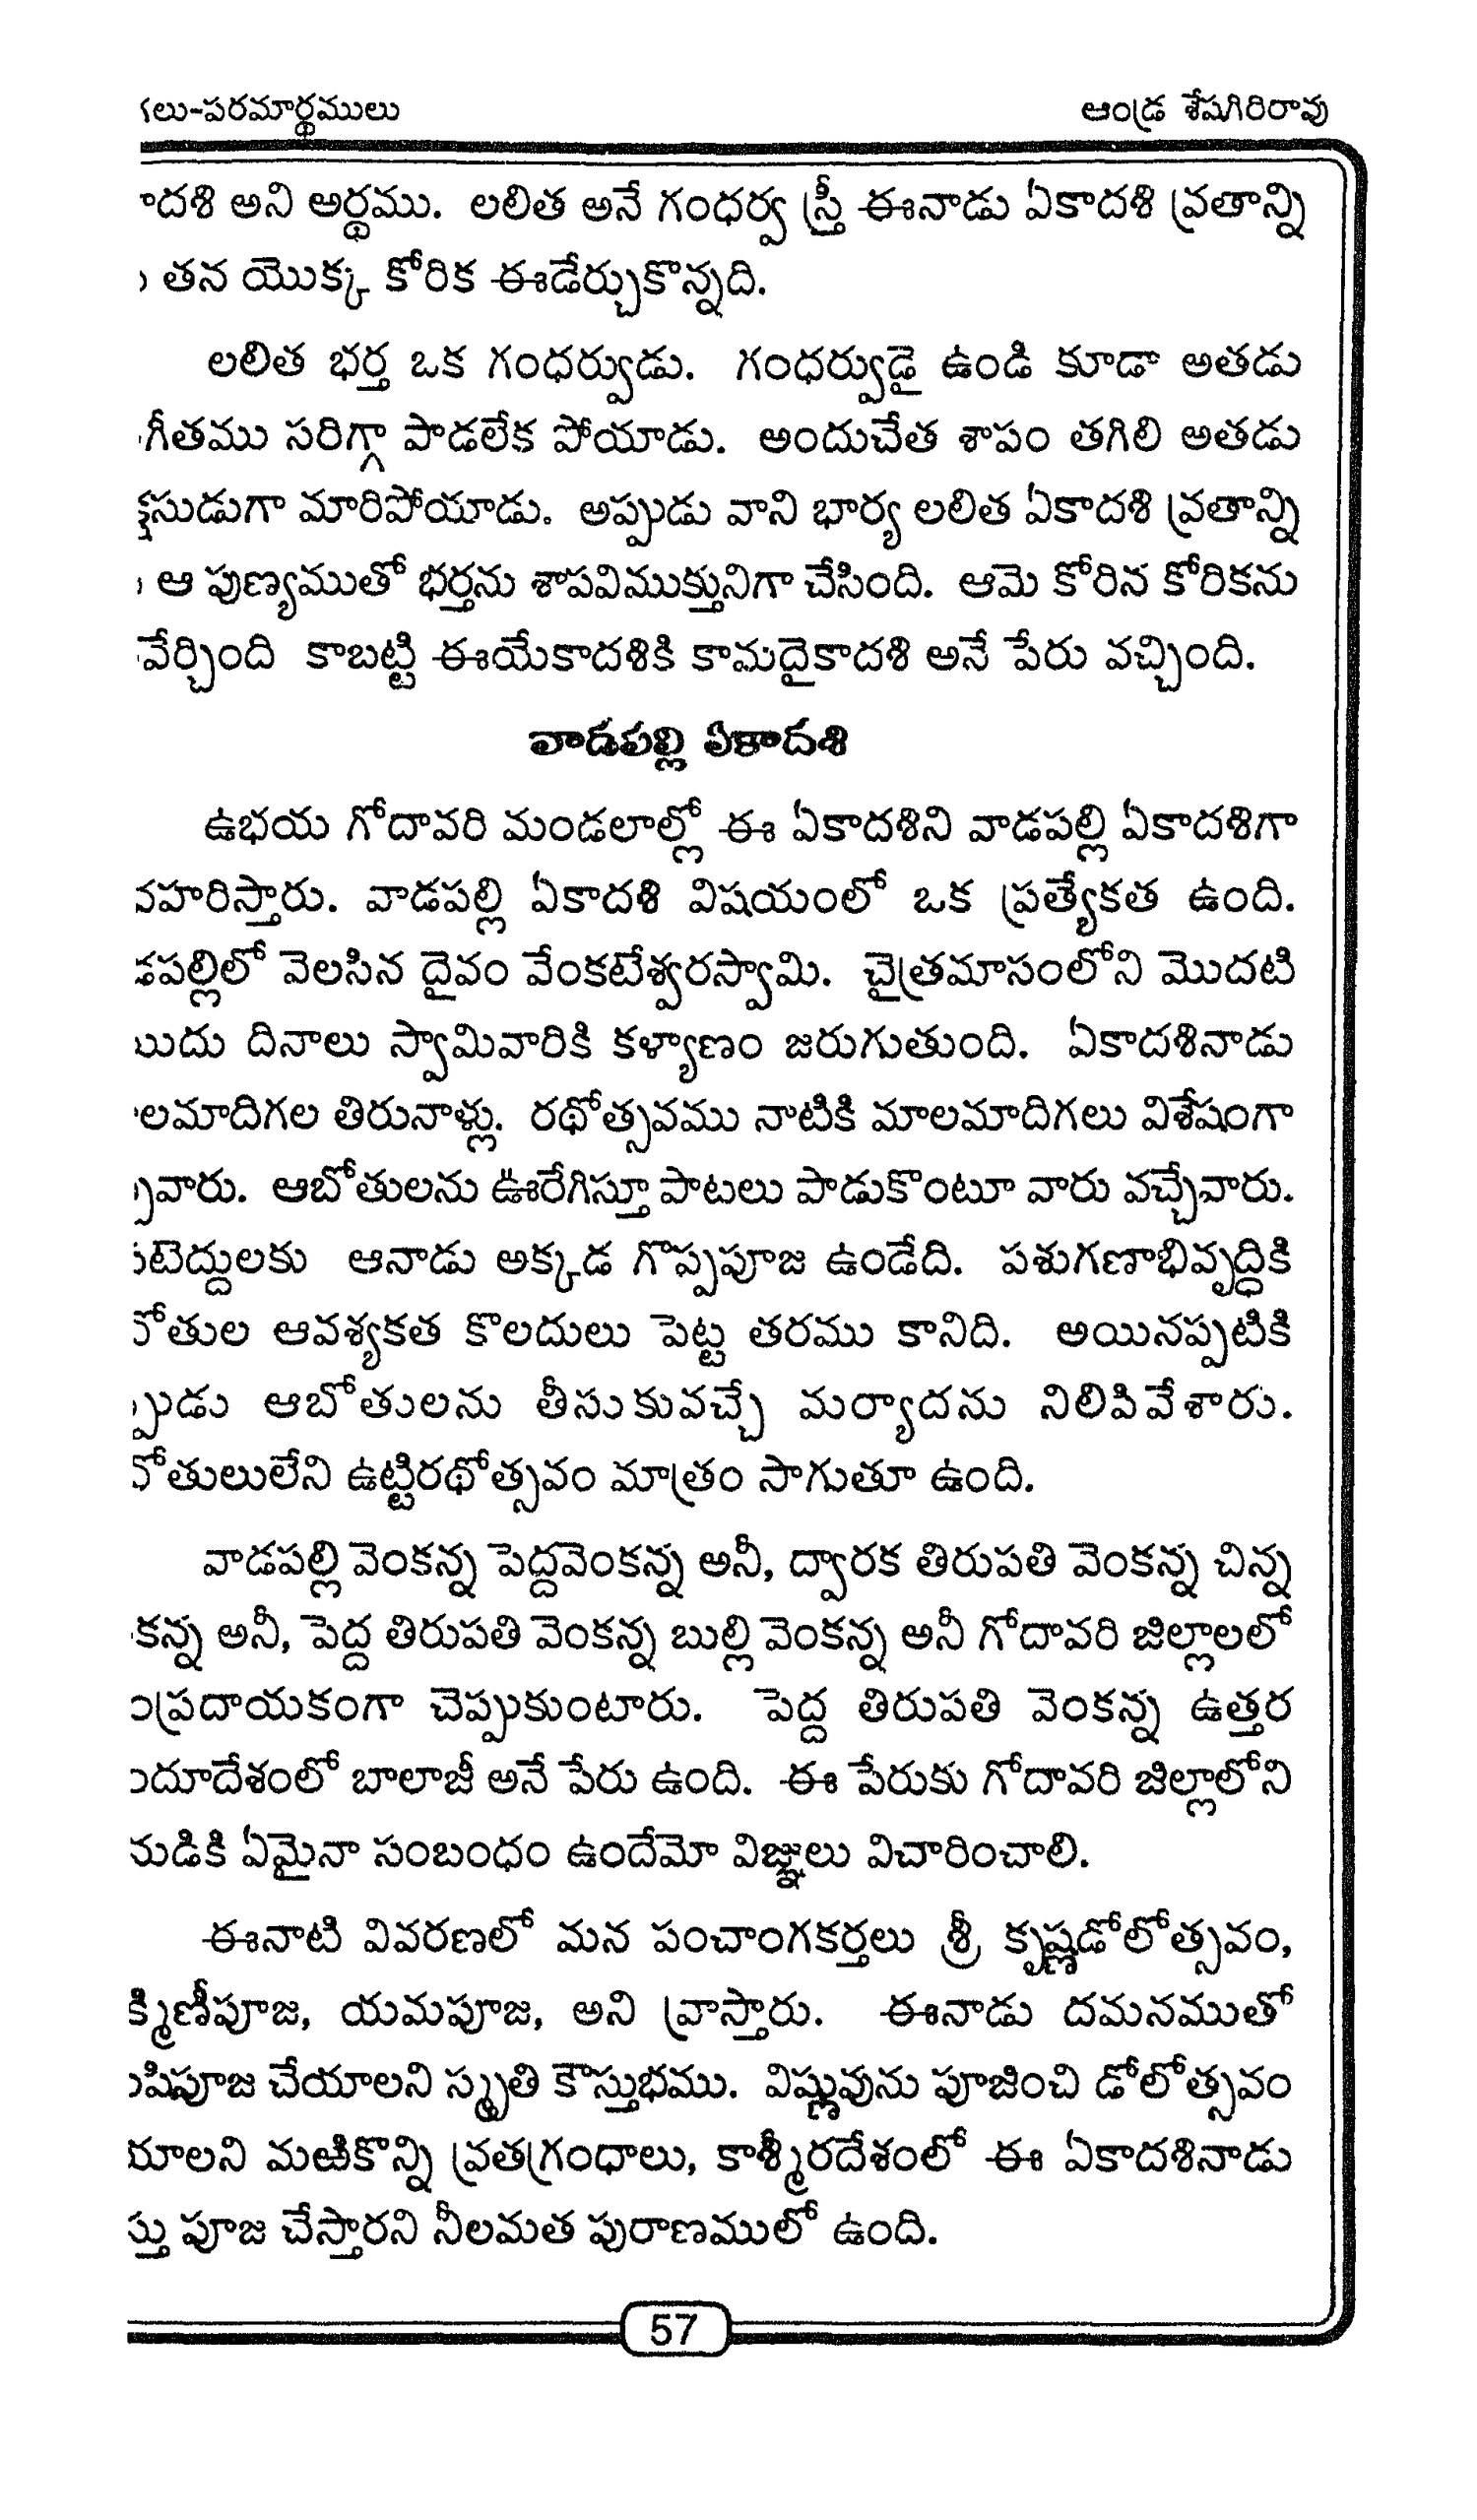ఏకాదశి అని అర్ధము. లలిత అనే గంధర్వ స్త్రీ ఈనాడు ఏకాదశి వ్రతాన్ని తన యొక్క కొరిక ఈడేర్చుకొన్నది.

 లలిత భర్త ఒక గంధర్వుడు. గంధర్వుడై ఉండి కూడా అతడు సంగీతము సరిగ్గా పాడలేక పోయాడు. అందుచేత శాపం తగిలి అతడు రాక్షసుడుగా మారిపోయాడు. అప్పుడు వాని భార్య లలిత ఏకాదశి వ్రతాన్ని చేసి ఆ పుణ్యముతో భర్తను శాపవిముక్తునిగా చేసింది. ఆమె కోరిన కోరికను నెరవేర్చింది కాబట్టి ఈయేకాదశికి కామదైకాదశి అనే పేరు వచ్చింది.

 వాడపల్లి ఏకాదశి

 ఉభయ గోదావరి మండలాల్లో ఈ ఏకాదశిని వాడపల్లి ఏకాదశిగా వ్యవహరిస్తారు. వాడపల్లి ఏకాదశి విషయంలో ఒక ప్రత్యేకత ఉంది. వాడపల్లిలో వెలసిన దైవం వేంకటేశ్వరస్వామి. చైత్రమాసంలోని మొదటి అయిదు దినాలి స్వామివారికి కళ్యాణం జరుగుతుంది. ఏకాదశినాడు మాల మాదిగల తిరునాళ్లు రధోత్సవము నాటికి మాలమాదిగలు విశేషంగా వచ్చేవారు. ఆబోతులను ఊరేగిస్తూ పాటలు పాడుకొంటూ వారు వచ్చేవారు. కాటెద్దులకు ఆనాడు అక్కడ గొప్పపూజ ఉండేది. పశుగణాభివృద్ధికి ఆబోతుల అవశ్యకత కొలదులు పెట్ట తరము కానిది. అయినప్పటికి ఎప్పుడు ఆబోతులను తీసుకువచ్చే మర్యాదను నిలిపివేశారు. ఆబోతులులేని ఉట్టిరధోత్సవం మాత్రం సాగుతూ ఉంది.

 వాడపల్లి వెంకన్న పెద్ధవెంకన్న అనీ, పెద్ద తిరుపతి వెంకన్న బుల్లివెంకన్న అనీ గోదావరి జిల్లాలలో సంప్రదాయకంగా చెప్పుకుంటారు. పెద్ద తిరుపతి వెంకన్న ఉత్తర హిందూదేశంలో బాలాజీ అనే పేరు ఉంది. ఈ పేరును గోదావరి జిల్లాలలోని గుడికీ ఏమైనా సంబంధం ఉందేమో విజ్ఞు లు విచారించాలి.

 ఈనాటి వివరణలో మన పంచాంగకర్తలు శ్రీ కృష్ణడోలోత్సవం, రుక్మిణీపూజ, యమపూజ, అని వ్రాస్తారు. ఈనాడు దమనముతో మహిషిపూజ చేయాలని స్మృతి కౌస్తుభము. విష్ణువును పూజించి డోలోత్సవం చేయాలని మఱికొన్ని వ్రతగ్రంధాలు, కాశ్మీరదేశంలో ఈ ఏకాదశినాడు వస్తు పూజ చేస్తారని నీలమత పురాణములో ఉంది.